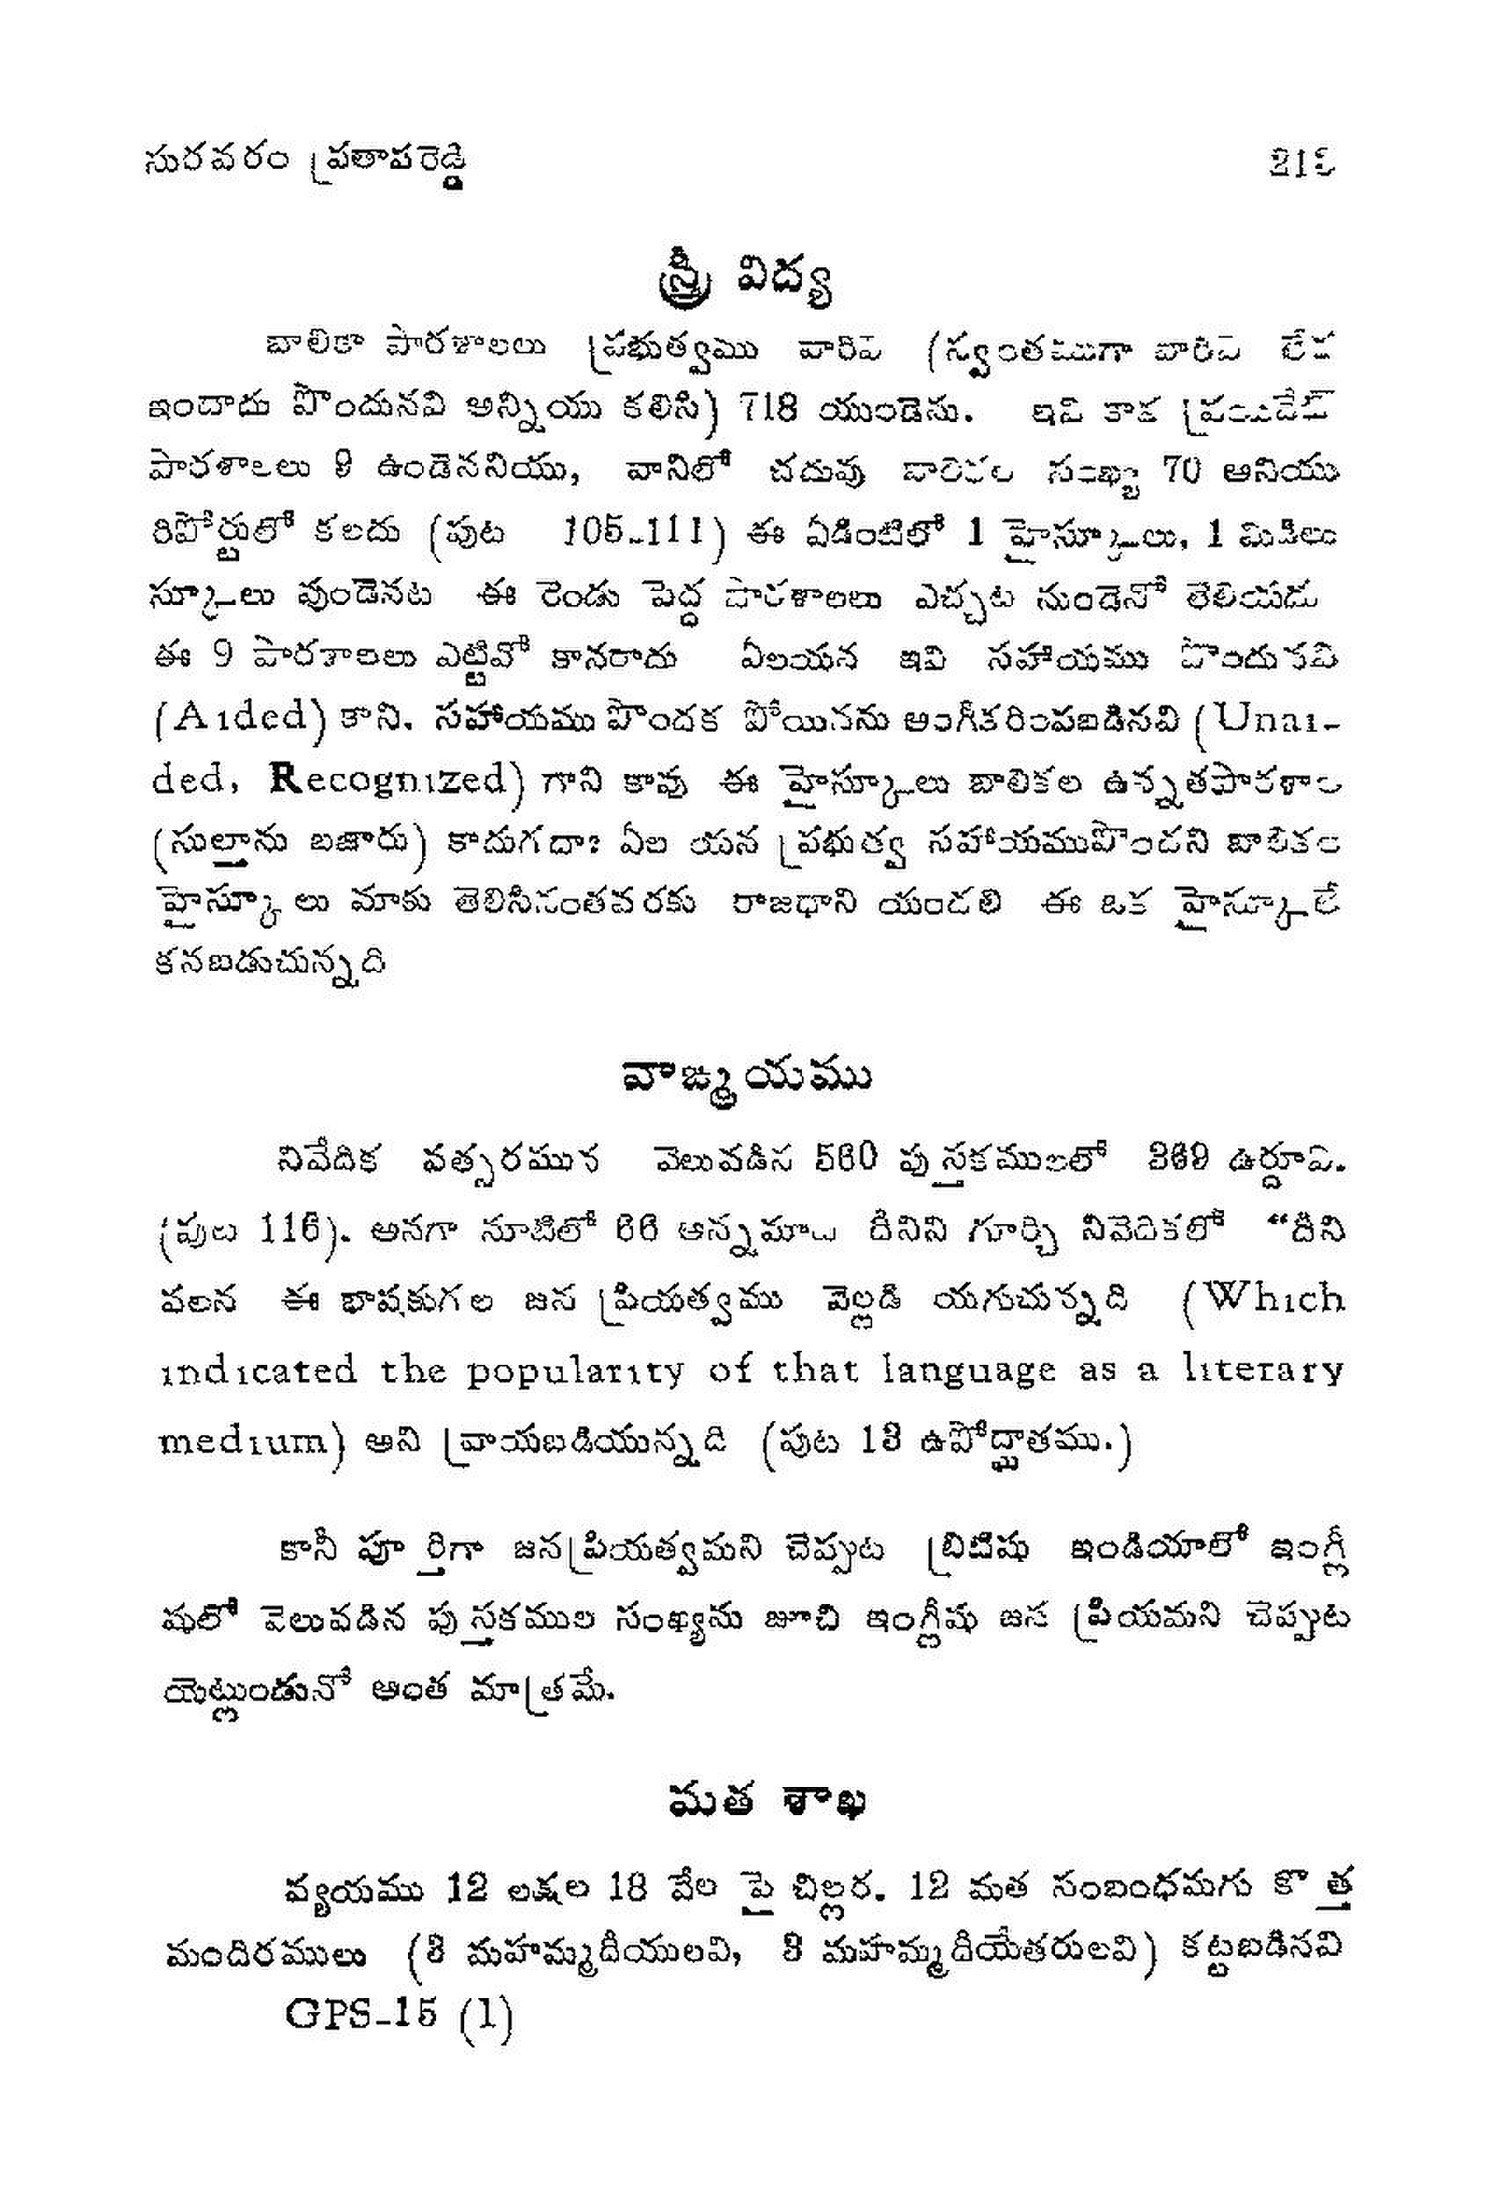స్త్రీ విద్య

బాలికా పాఠశాలలు ప్రభుత్వము వారివి (స్వంతముగా వారివి లేక ఇందాదు పొందునవి అన్నియు కలిసి) 718 యుండెను. ఇవి కాక ప్రయివేట్ పాఠశాలలు 9 ఉండెననియు, వానిలో చదువు బాలికల సంఖ్య 70 అనియురిపోర్టులో కలదు (పుట 105-111) ఈ ఏడింటిలో 1 హైస్కూలు, 1 మిడిలు స్కూలు వుండెనట ఈ రెండు పెద్ద పాఠశాలలు ఎచ్చట నుండెనో తెలియదు ఈ 9 పాఠశాలలు ఎట్టివో కానరాదు. ఏలయన ఇవి సహాయము పొందునవి
( Aided) కాని, సహాయము పొందక పోయినను అంగీకరింపబడినవి (Unaided, Recognized) గాని కావు ఈ హైస్కూలు బాలికల ఉన్నతపాఠశాల (సుల్తాను బజారు) కాదుగదా? ఏల యన ప్రభుత్వ సహాయముపొందని బాలికల హైస్కూలు మాకు తెలిసినంతవరకు రాజధాని యందలి ఈ ఒక హైస్కూలే కనబడుచున్నది

వాఙ్మయము

నివేదిక వత్సరమున వెలువడిన 560 పుస్తకములలో 369 ఉర్దూవి. (పుట 116). అనగా సూటిలో 66 అన్నమాట దీనిని గూర్చి నివేదికలో “దీని వలన ఈ భాషకుగల జన ప్రియత్వము వెల్లడి యగుచున్నది ( (Which indicated the popularity of that language as a literary medium) అని వ్రాయబడియున్నది (పుట 13 ఉపోద్ఘాతము.)

కానీ పూర్తిగా జనప్రియత్వమని చెప్పుట బ్రిటిషు ఇండియాలో ఇంగ్లీషులో వెలువడిన పుస్తకముల సంఖ్యను జూచి ఇంగ్లీషు జన ప్రియమని చెప్పుట యెట్లుండునో అంత మాత్రమే.

మత శాఖ

వ్యయము 12 లక్షల 18 వేల పై చిల్లర. 12 మత సంబంధమగు కొత్త మందిరములు (3 మహమ్మదీయులవి, 3 మహమ్మదీయేతరులవి) కట్టబడినవి